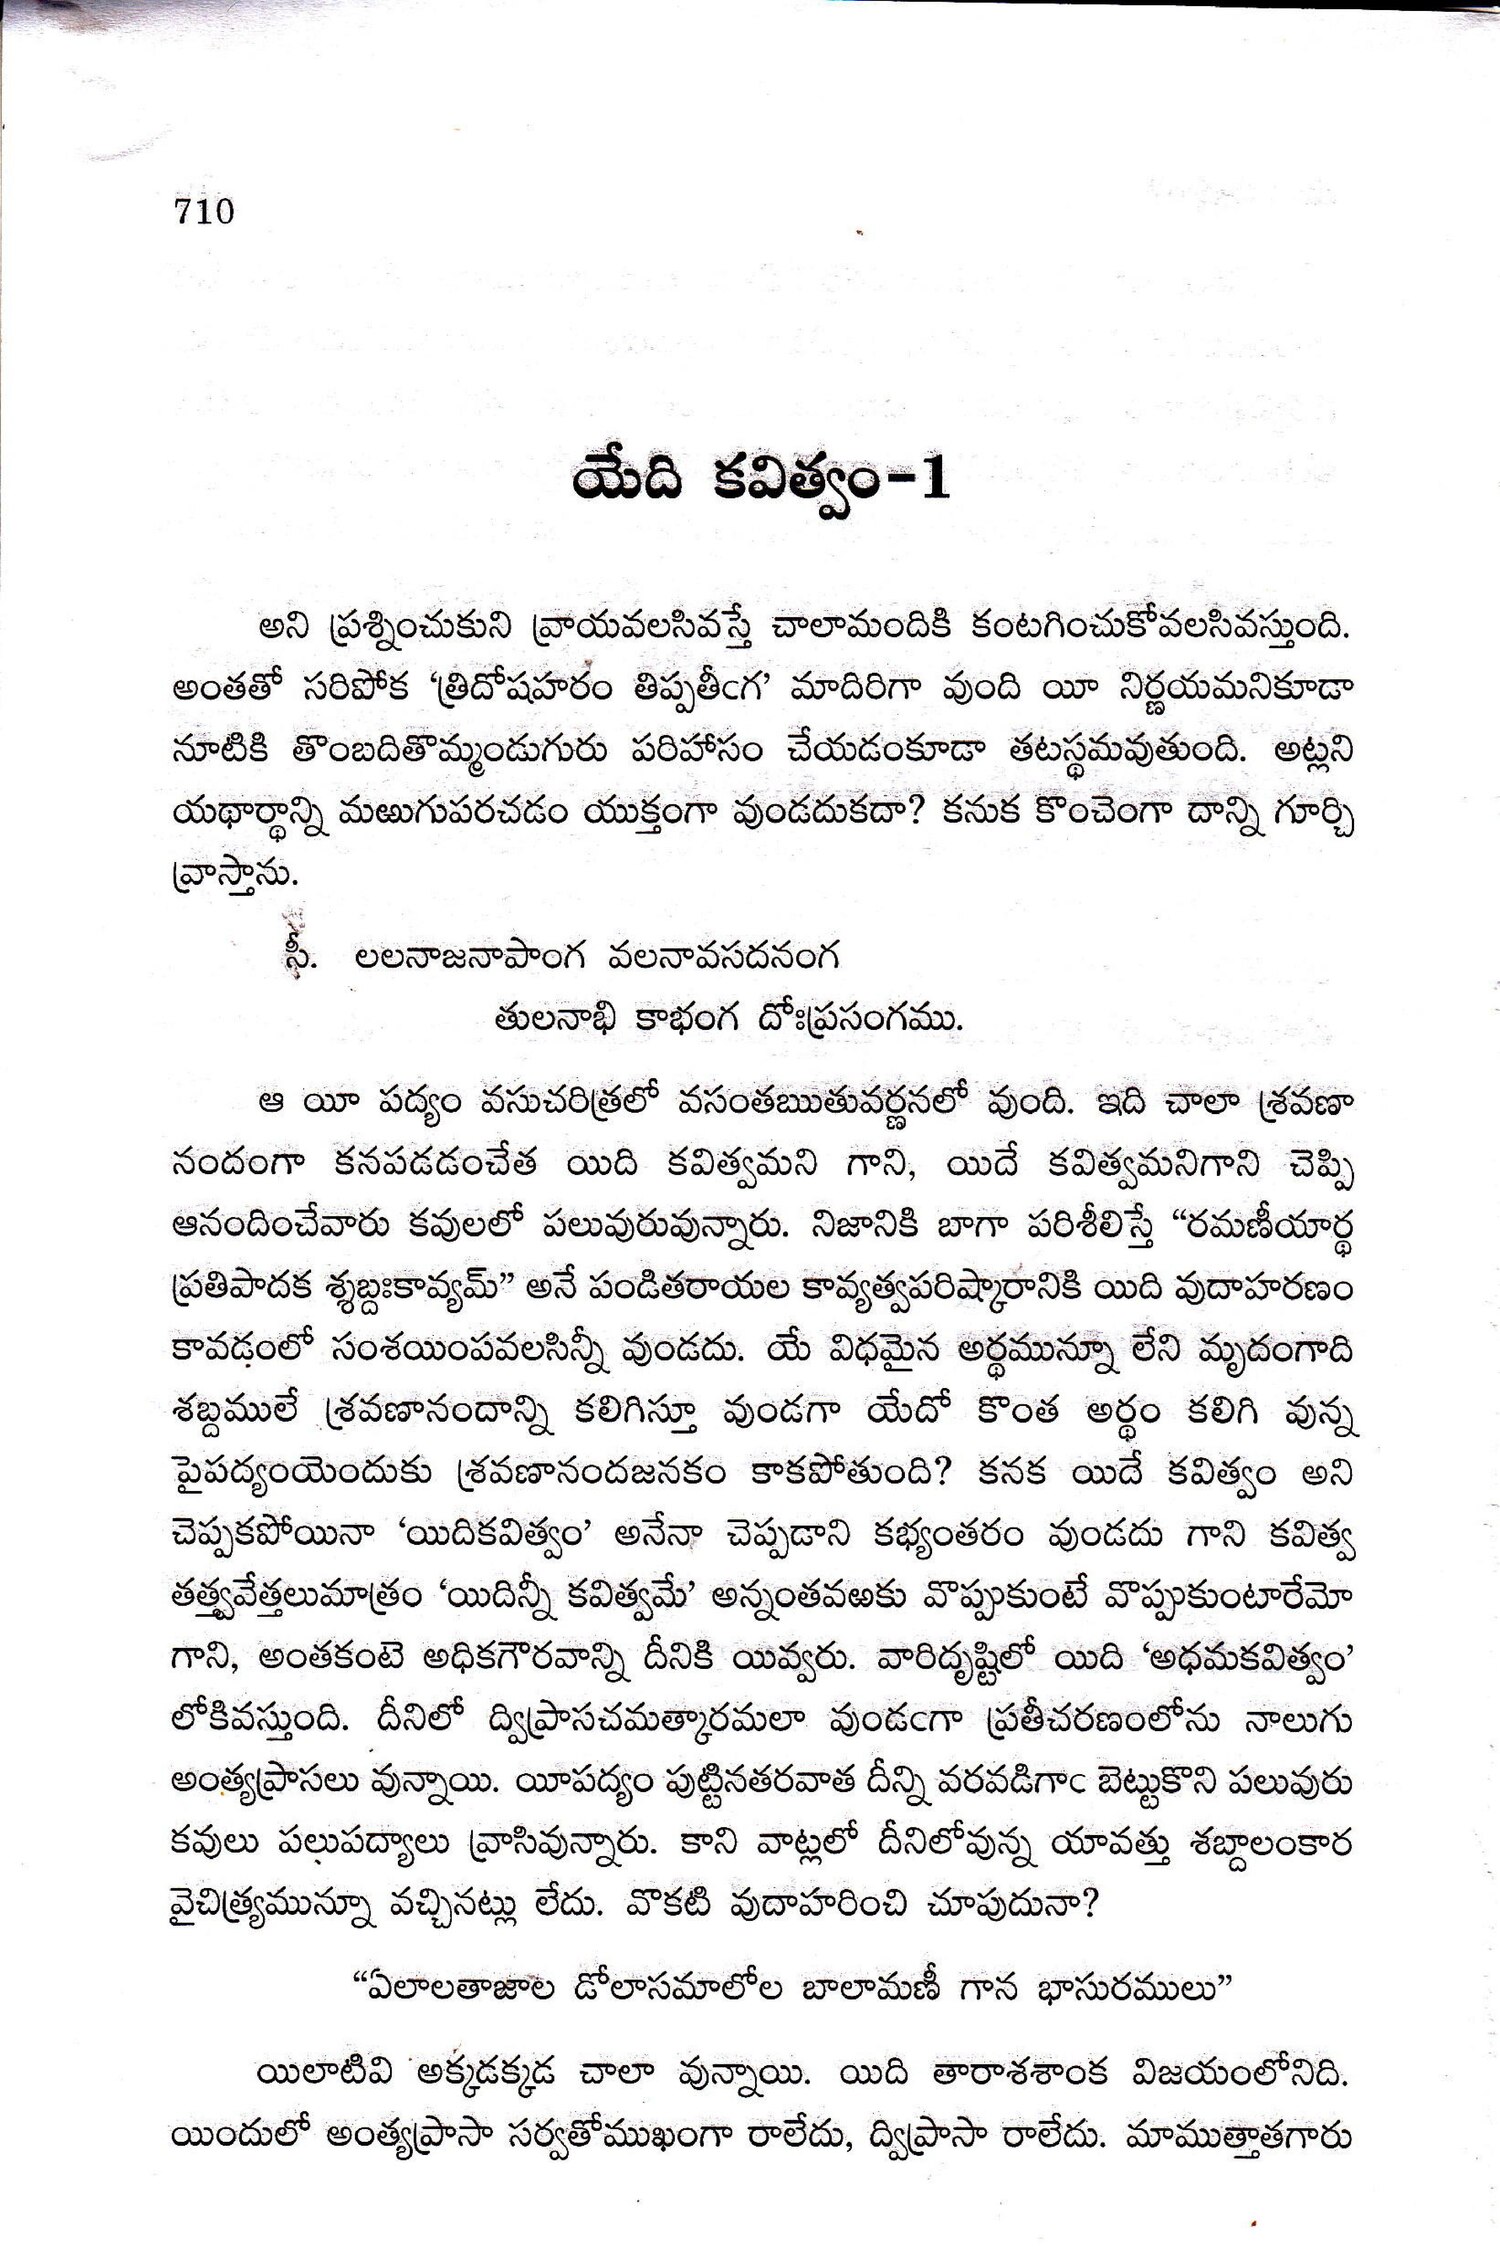యేది కవిత్వం - 1

అని ప్రశ్నించుకుని వ్రాయవలసివస్తే చాలామందికి కంటగించుకోవలసివస్తుంది. అంతతో సరిపోక 'త్రిదోషహరం తిప్పతీcగ' మాదిరిగా వుంది యీ నిర్ణయమనికూడా నూటికి తొంబదితొమ్మండుగురు పరిహాసం చేయడంకూడా తటస్థమవుతుంది. అట్లని యథార్థాన్ని మఱుగుపరచడం యుక్తంగా వుండదుకదా? కనుక కొంచెంగా దాన్ని గూర్చి వ్రాస్తాను.

సీ. లలనాజనాపాంగ వలనావసదనంగ
 తులనాభి కాభంగ దోఃప్రసంగము.
ఆ యీ పద్యం వసుచరిత్రలో వసంతఋతువర్ణనలో వుంది. ఇది చాలా శ్రవణానందంగా కనపడడంచేత యిది కవిత్వమని గాని, యిదే కవిత్వమనిగాని చెప్పి ఆనందించేవారు కవులలో పలువురువున్నారు. నిజానికి బాగా పరిశీలిస్తే "రమణీయార్థ ప్రతిపాదక శబ్దఃకావ్యమ్" అనే పండితరాయల కావ్యత్వపరిష్కారానికి యిది వుదాహరణం కావడంలో సంశయింపవలసిన్నీ వుండదు. యే విధమైన అర్థమున్నూ లేని మృదంగాది శబ్దములే శ్రవణానందాన్ని కలిగిస్తూ వుండగా యేదో కొంత అర్థం కలిగి వున్న పైపద్యంయెందుకు శ్రవణానందజనకం కాకపోతుంది? కనక యిదే కవిత్వం అని చెప్పకపోయినా 'యిదికవిత్వం' అనేనా చెప్పడాని కభ్యంతరం వుండదు గాని కవిత్వ తత్త్వవేత్తలుమాత్రం 'యిదిన్నీ కవిత్వమే' అన్నంతవఱకు వొప్పుకుంటే వొప్పుకుంటారేమో గాని, అంతకంటె అధికగౌరవాన్ని దీనికి యివ్వరు. వారిదృష్టిలో యిది 'అధమకవిత్వం' లోకివస్తుంది. దీనిలో ద్విప్రాసచమత్కారమలా వుండఁగా ప్రతీచరణంలోను నాలుగు అంత్యప్రాసలు వున్నాయి. యీపద్యం పుట్టినతరవాత దీన్ని వరవడిగాఁ బెట్టుకొని పలువురు కవులు పలుపద్యాలు వ్రాసివున్నారు. కాని వాట్లలో దీనిలోవున్న యావత్తు శబ్దాలంకార వైచిత్ర్యమున్నూ వచ్చినట్లు లేదు. వొకటి వుదాహరించి చూపుదునా?

“ఏలాలతాజాల డోలాసమాలోల బాలామణీ గాన భాసురములు"
యిలాటివి అక్కడక్కడ చాలా వున్నాయి. యిది తారాశశాంక విజయంలోనిది. యిందులో అంత్యప్రాసా సర్వతోముఖంగా రాలేదు, ద్విప్రాసా రాలేదు. మాముత్తాతగారు